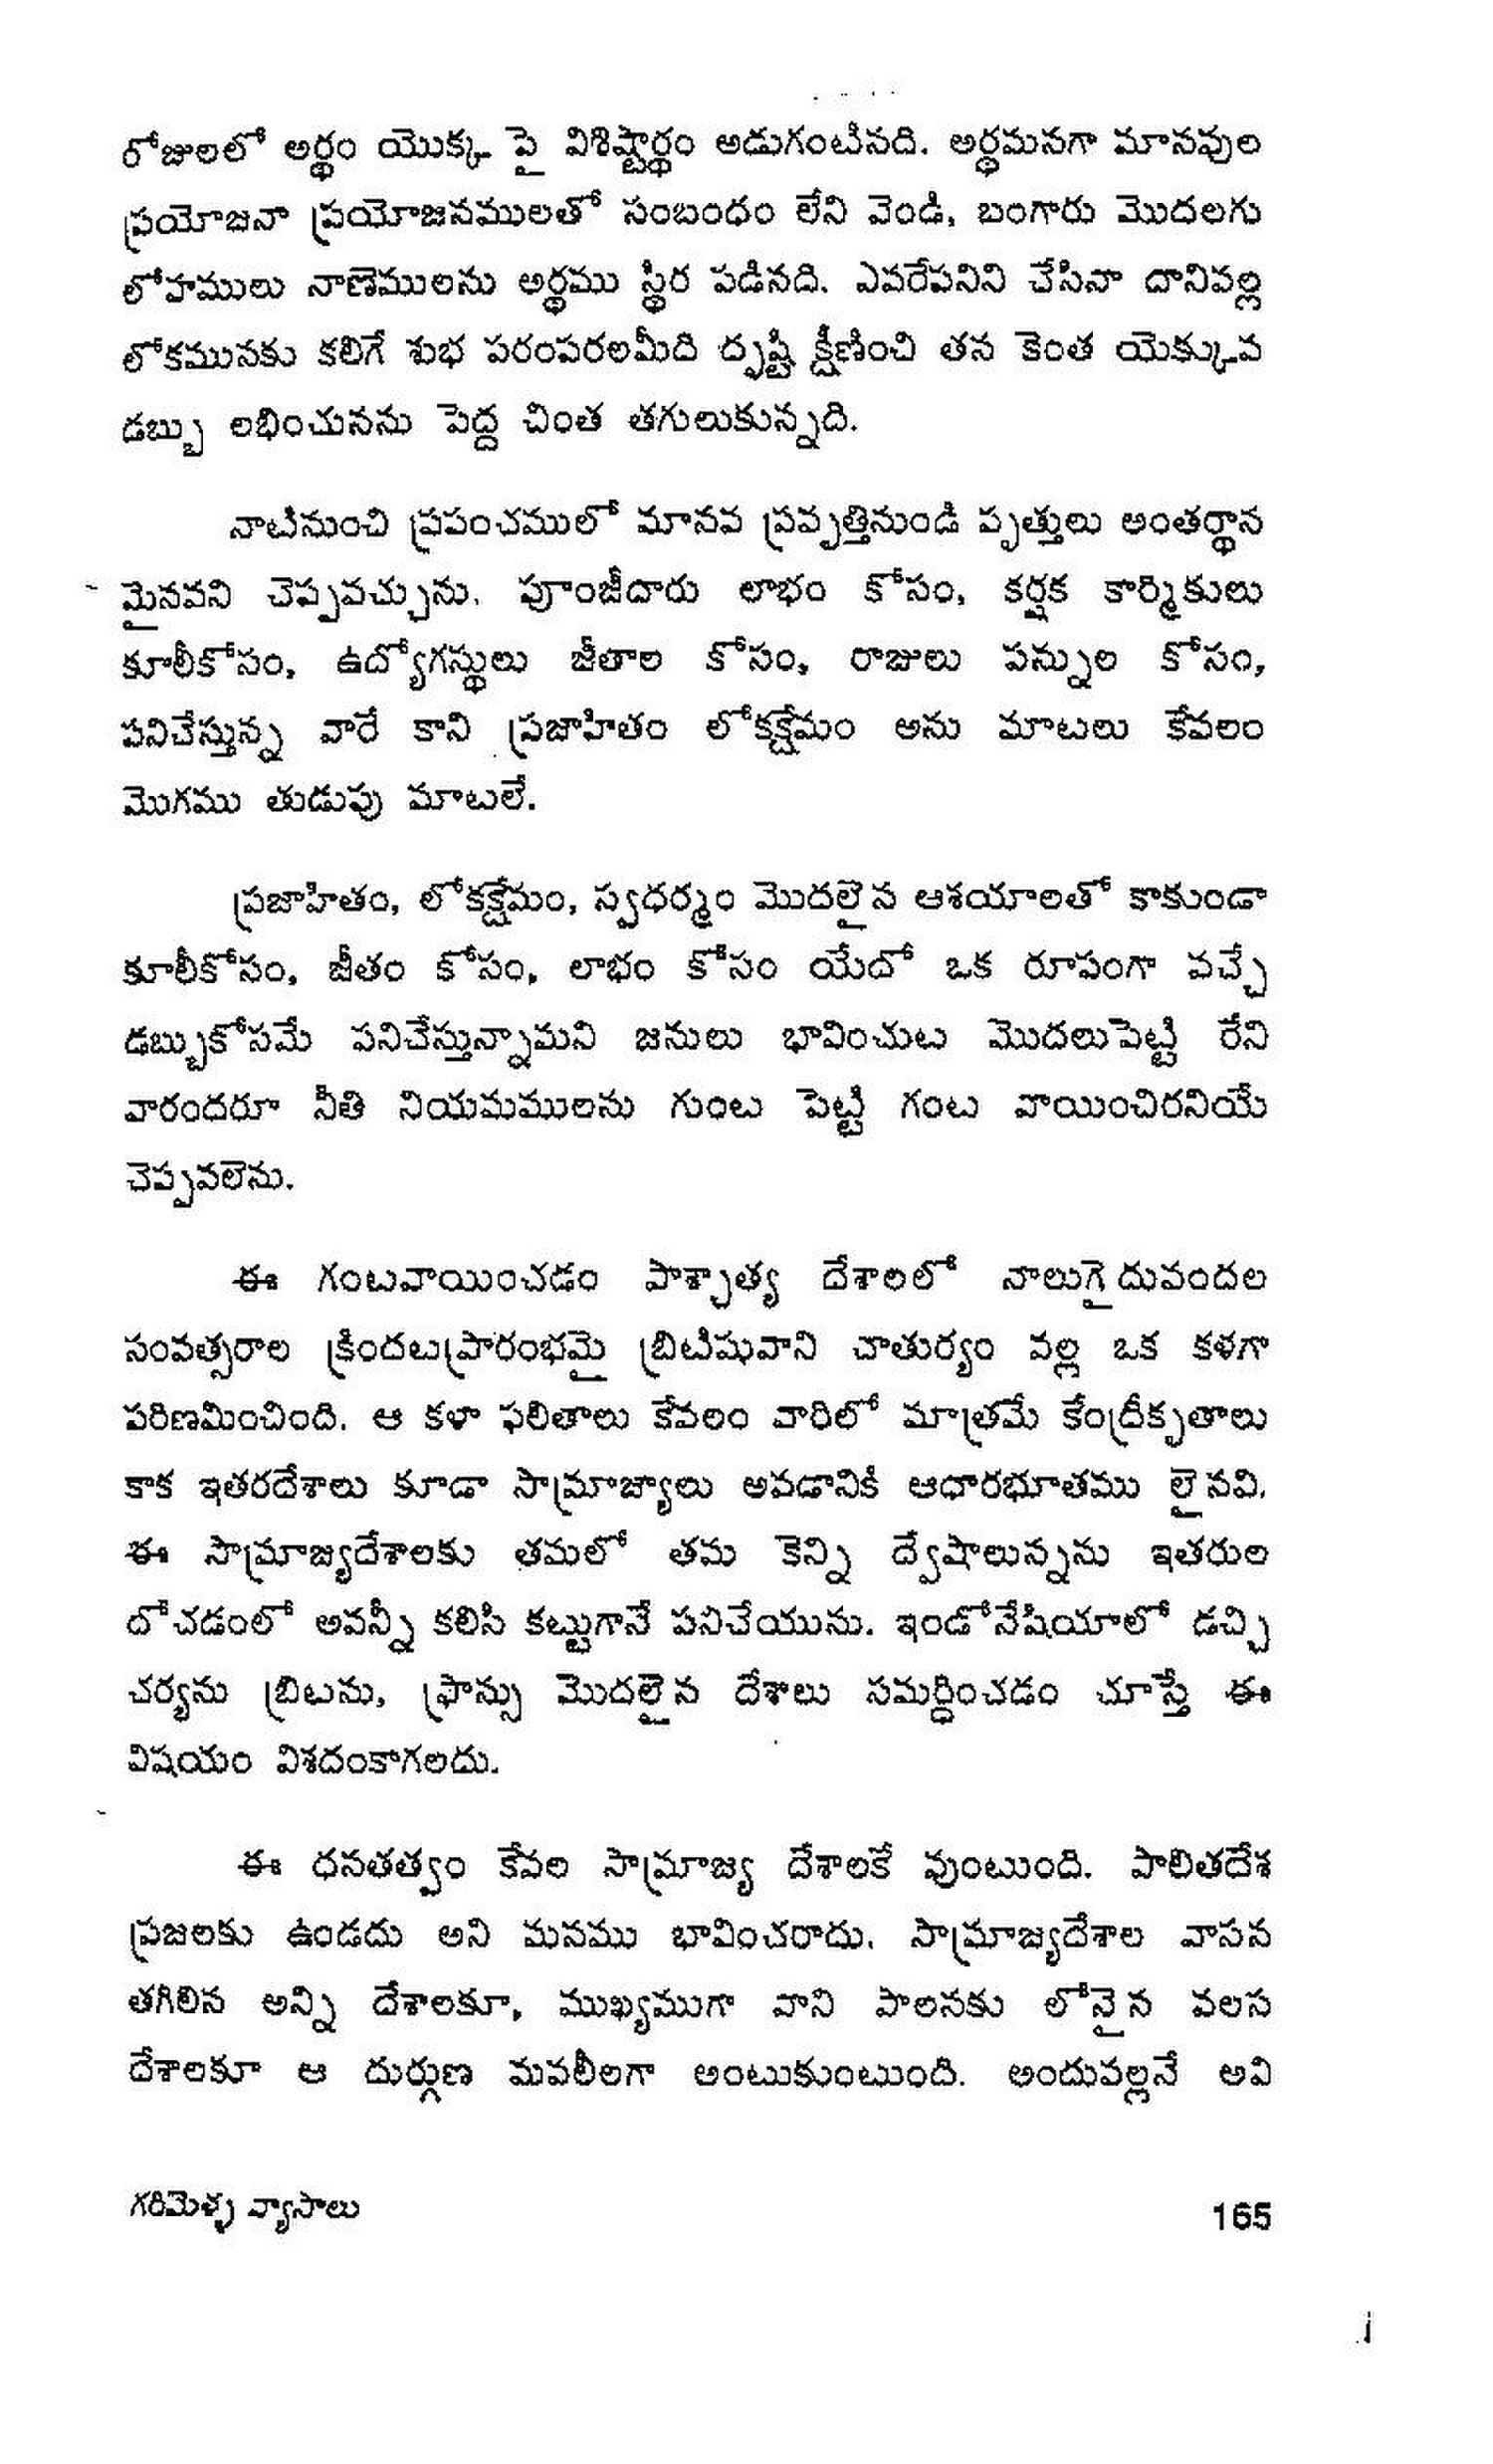రోజులలో అర్థం యొక్క పై విశిష్టార్థం అడుగంటినది. అర్థమనగా మానవుల ప్రయోజనా ప్రయోజనములతో సంబంధం లేని వెండి, బంగారు మొదలగు లోహములు నాణెములను అర్థము స్థిర పడినది. ఎవరేపనిని చేసినా దానివల్ల లోకమునకు కలిగే శుభ పరంపరలమీది దృష్టి క్షీణించి తన కెంత యెక్కువ డబ్బు లభించునను పెద్ద చింత తగులుకున్నది.

నాటినుంచి ప్రపంచములో మానవ ప్రవృత్తినుండి వృత్తులు అంతర్థానమైనవని చెప్పవచ్చును. పూంజీదారు లాభం కోసం, కర్షక కార్మికులు కూలీకోసం, ఉద్యోగస్థులు జీతాల కోసం, రాజులు పన్నుల కోసం, పనిచేస్తున్న వారే కాని ప్రజాహితం లోకక్షేమం అను మాటలు కేవలం మొగము తుడుపు మాటలే.

ప్రజాహితం లోకక్షేమం, స్వధర్మం మొదలైన ఆశయాలతో కాకుండా కూలీకోసం, జీతం కోసం, లాభం కోసం యేదో ఒక రూపంగా వచ్చే డబ్బుకోసమే పనిచేస్తున్నామని జనులు భావించుట మొదలుపెట్టి రేని వారందరూ నీతి నియమములను గుంట పెట్టి గంట వాయించిరనియే చెప్పవలను.

ఈ గంటవాయించడం పాశ్చాత్య దేశాలలో నాలుగైదువందల సంవత్సరాల క్రిందటప్రారంభమై బ్రిటిషువాని చాతుర్యం వల్ల ఒక కళగా పరిణమించింది. ఆ కళా ఫలితాలు కేవలం వారిలో మాత్రమే కేంద్రీకృతాలు కాక ఇతరదేశాలు కూడా సామ్రాజ్యాలు అవడానికి ఆధారభూతము లైనవి. ఈ సామ్రాజ్యదేశాలకు తమలో తమ కెన్ని ద్వేషాలున్నను ఇతరుల దోచడంలో అవన్నీ కలిసి కట్టుగానే పనిచేయును. ఇండోనేషియాలో డచ్చి చర్యను బ్రిటను, ఫ్రాన్సు మొదలైన దేశాలు సమర్దించడం చూస్తే ఈ విషయం విశదంకాగలదు.

ఈ ధనతత్వం కేవలం సామ్రాజ్య దేశాలకే వుంటుంది. పాలితదేశ ప్రజలకు ఉండదు అని మనము భావించరాదు. సామ్రాజ్యదేశాల వాసన తగిలిన అన్ని దేశాలకూ, ముఖ్యముగా వాని పాలనకు లోనైన వలస దేశాలకూ ఆ దుర్గుణ మవలీలగా అంటుకుంటుంది. అందువల్లనే అవి